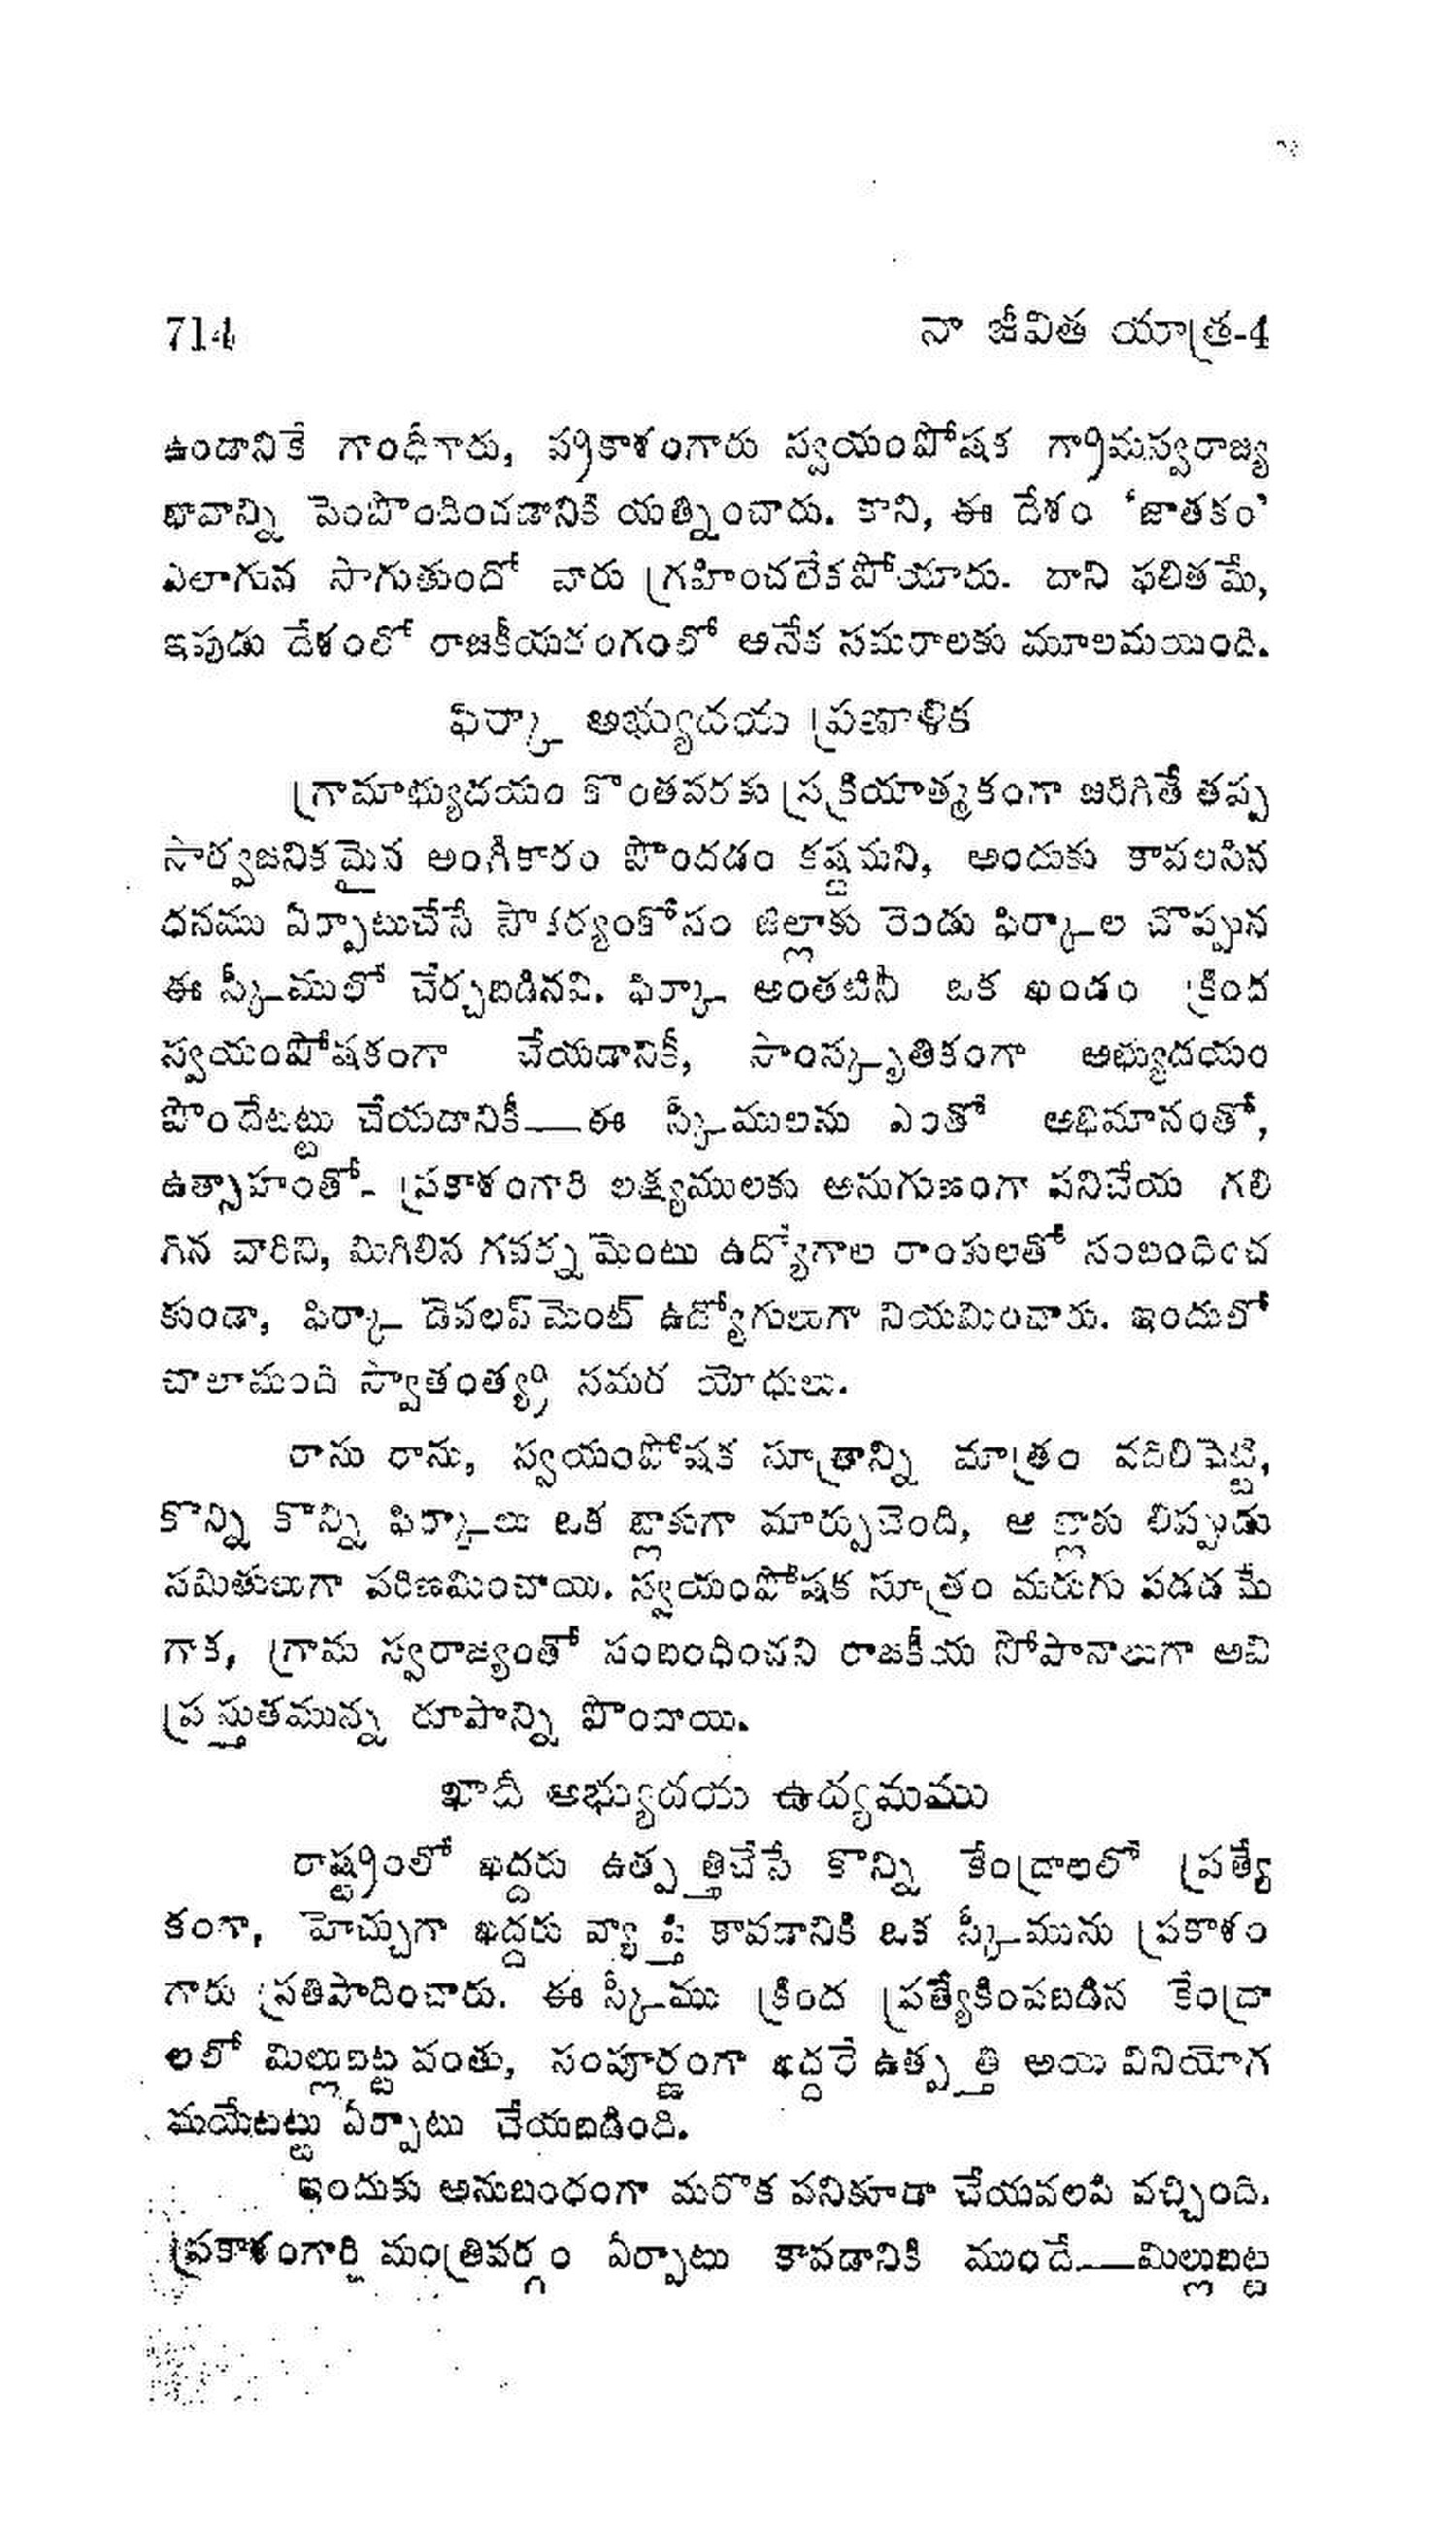ఉండానికే గాంధీగారు, ప్రకాశంగారు స్వయంపోషక గ్రామస్వరాజ్య భావాన్ని పెంపొందించడానికి యత్నించారు. కాని, ఈ దేశం 'జాతకం' ఏలాగున సాగుతుందో వారు గ్రహించలేకపోయారు. దాని ఫలితమే, ఇపుడు దేశంలో రాజకీయరంగంలో అనేక సమరాలకు మూలమయింది.

గ్రామాభ్యుదయం కొంతవరకు ప్రక్రియాత్మకంగా జరిగితే తప్ప సార్వజనికమైన అంగీకారం పొందడం కష్టమని, అందుకు కావలసిన ధనము ఏర్పాటుచేసే సౌకర్యంకోసం జిల్లాకు రెండు ఫిర్కాల చొప్పున ఈ స్కీములో చేర్చబడినవి. ఫిర్కా అంతటినీ ఒక ఖండం క్రింద స్వయంపోషకంగా చేయడానికీ, సాంస్కృతికంగా అభ్యుదయం పొందేటట్టు చేయడానికీ - ఈ స్కీములను ఎంతో అభిమానంతో, ఉత్సాహంతో - ప్రకాశంగారి లక్ష్యములకు అనుగుణంగా పనిచేయ గలిగిన వారిని, మిగిలిన గవర్నమెంటు ఉద్యోగాల రాంకులతో సంబంధించ కుండా, ఫిర్కా డెవలప్‌మెంట్ ఉద్యోగులుగా నియమించారు. ఇందులో చాలామంది స్వాతంత్ర్య సమర యోధులు.

రాను రాను, స్వయంపోషక సూత్రాన్ని మాత్రం వదిలిపెట్టి, కొన్ని కొన్ని ఫిర్కాలు ఒక బ్లాకుగా మార్పుచెంది, ఆ బ్లాకు లిప్పుడు సమితులుగా పరిణమించాయి. స్వయంపోషక సూత్రం మరుగు పడడమే గాక, గ్రామ స్వరాజ్యంతో సంబంధించని రాజకీయ సోపానాలుగా అవి ప్రస్తుతమున్న రూపాన్ని పొందాయి.

రాష్ట్రంలో ఖద్దరు ఉత్పత్తిచేసే కొన్ని కేంద్రాలలో ప్రత్యేకంగా, హెచ్చుగా ఖద్దరు వ్యాప్తి కావడానికి ఒక స్కీమును ప్రకాశంగారు ప్రతిపాదించారు. ఈ స్కీము క్రింద ప్రత్యేకింపబడిన కేంద్రాలలో మిల్లుబట్ట వంతు, సంపూర్ణంగా ఖద్దరే ఉత్పత్తి అయి వినియోగమయేటట్టు ఏర్పాటు చేయబడింది.

ఇందుకు అనుబందంగా మరొక పనికూడా చేయవలసి వచ్చింది. ప్రకాశంగారి మంత్రివర్గం ఏర్పాటు కావడానికి ముందే - మిల్లుబట్ట